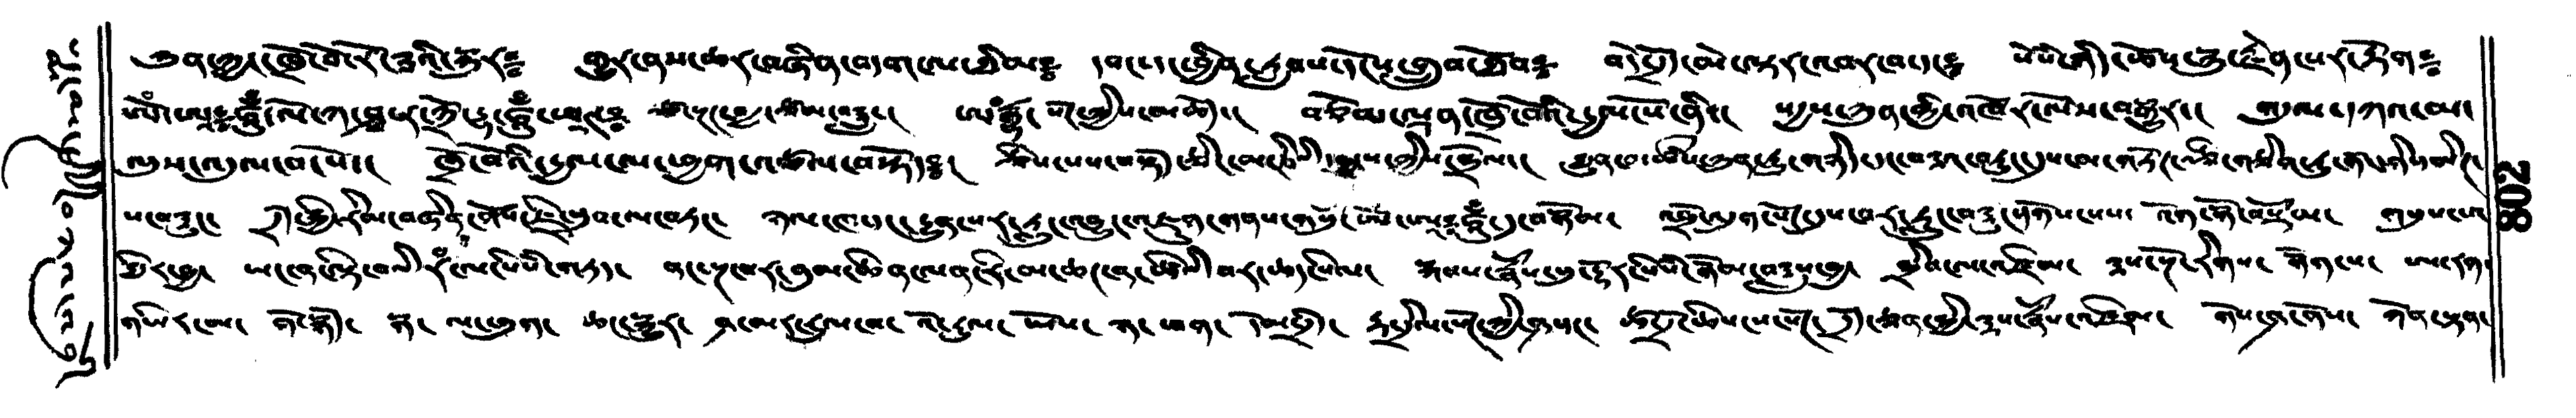ཀུན་ཀྱང་ཁྲོ་བོ་རོ་ཟའི་སྐུར༔ གྱུར་ནས་ཆར་བཞིན་བདག་ལ་ཐིམ༔ དབང་དང་བྱིན་རླབས་དངོས་གྲུབ་ཐོབ༔ བདེ་དྲོད་མེ་ལྟར་འབར་བ་དང༔ སེམས་ཉིད་ཆོས་སྐུ་རྗེན་པར་རྟོགས༔ 
ཨོཾ་ཨཱ་ཧཱུྃ་ལོ་ཀེ་ཤྭ་ར་ཀྲོ་དྷ་ཧཱུྃ་ཕཊ༔ རྩ་སྔགས་བརྒྱ་ཙམ་བཟླ། ཨརྒྷཾ་སོགས་ཀྱིས་མཆོད། བཅོམ་ལྡན་ཁྲོ་བོའི་རྒྱལ་པོ་ནི། །སངས་རྒྱས་ཀུན་གྱི་འཁོར་ལོས་བསྒྱུར། །གདུལ་དཀའ་མ་
ལུས་འདུལ་བ་པོ། ཁྲོ་བའི་རྒྱལ་ལ་ཕྱག་འཚལ་བསྟོད། ཅེས་པས་བསྟོད་ཅིང་མ་ཎིའི་དབྱངས་ཀྱིས་གྲོལ། ཐུན་མཚམས་ཀུན་ཏུ་གཉིད་དང་བཟའ་བཏུང་དུས་མ་གཏོགས་རྩེ་གཅིག་ཏུ་གོང་གི་དམིགས་
པ་བཟུང་། དྲོད་སྐྱེ་རིམ་བཞིན་གོས་ཇེ་སྲབ་ལ་བཏང་། ཉལ་ཁ་དང་རྒྱུན་པར་རླུང་འབྱུང་འཇུག་གནས་གསུམ་ཨོཾ་ཨཱཿཧཱུྃ་དུ་བསྒོམ། འགྲོ་འདུག་སོགས་དུས་བར་རླུང་བཟུང་དགོས་པས། འོག་སྒོ་བསྡོམ། གསུས་པ་
ཐེར་བྱ། ཡང་ན་ལྟེ་བའི་རཾ་ལ་སེམས་གཏད། ནང་སྔ་བར་བུམ་ཆེན་ལན་རེ་མ་ཆགས་ན་ཚེའི་བར་ཆད་སེལ། སྐབས་རྣམས་སུ་རྡོར་སེམས་སྒོམ་བཟླས་བྱ། གྲིབ་ལ་འཛེམ། ཟས་སྔོ་རིགས། སྒོག་པ། ཨ་རག་
གཡེར་མ། གོ་སྙོད། ལྒ། ལ་ཕུག ཆང་སྐྱུར། ཤ་མར་རུལ་བ། འོ་རུལ། ཡོས། ཉ་ཕག དོམ་དྲེད། རྟ་དྲེལ་སོགས་ཀྱི་ཤ་དང་། ཚ་དྲོ་ཆེས་པ་སོགས། དྲོད་ཅན་གྱི་ཟས་རྣམས་འཛེམ། གོས་ཤ་གོས། ཀོ་སྟན་